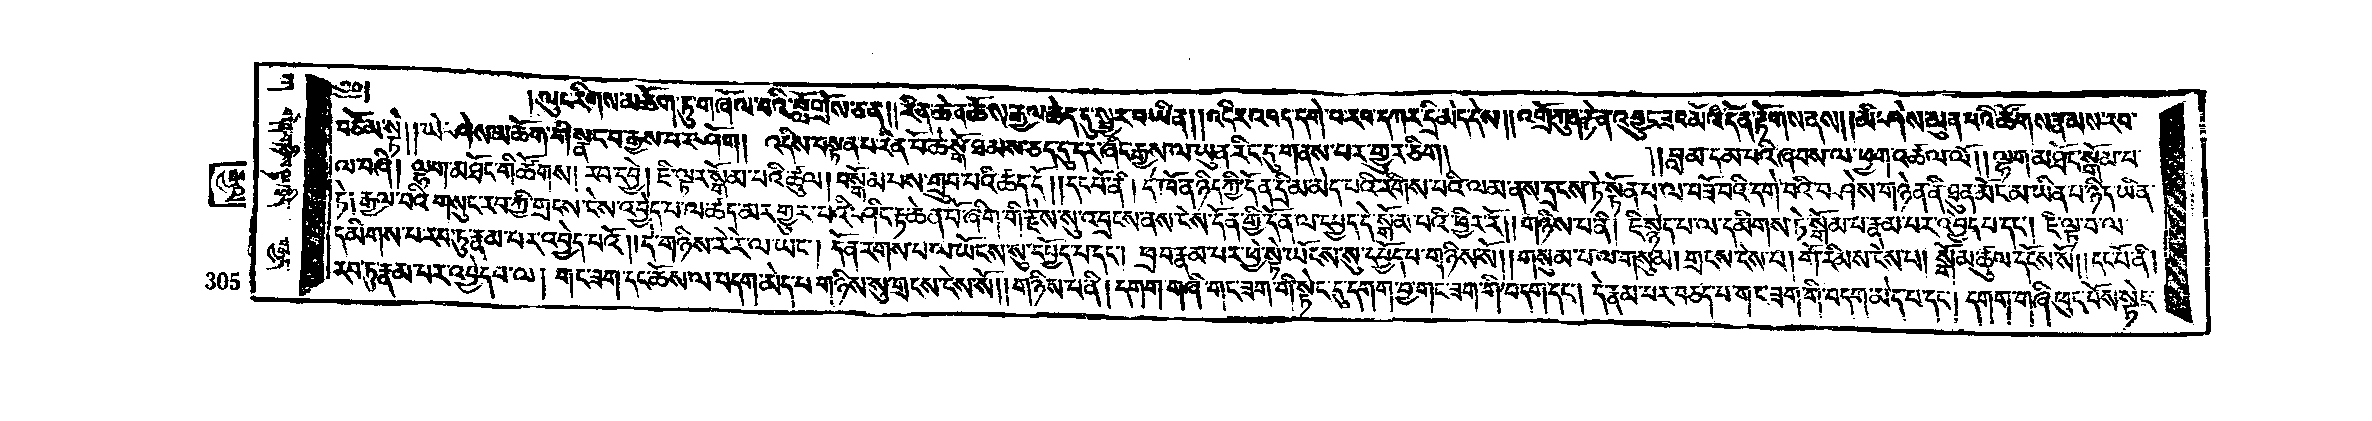༄༅། །ལུང་རིགས་མཆོག་ཏུ་གཞོལ་བའི་བློ་གྲོས་ཅན། །རིན་ཆེན་ཆོས་རྒྱལ་ཆེད་དུ་སྦྱར་བ་ཡིན། །འདིར་འབད་དགེ་བ་རབ་དཀར་དྲི་མེད་དེས། །འགྲོ་ཀུན་རྟེན་འབྱུང་ཟབ་མོའི་དོན་རྟོགས་ནས། །མི་ཤེས་མུན་པའི་ཚོགས་རྣམས་རབ་
བཅོམ་སྟེ། །ཡེ་ཤེས་མཆོག་གི་སྣང་བ་རྒྱས་པར་ཤོག །འདིས་བསྟན་པ་རིན་པོ་ཆེ་སྒོ་ཐམས་ཅད་དུ་དར་ཞིང་རྒྱས་ལ་ཡུན་རིང་དུ་གནས་པར་གྱུར་ཅིག། །།བླ་མ་དམ་པའི་ཞབས་ལ་ཕྱག་འཚལ་ལོ། །ལྷག་མཐོང་སྒོམ་པ་
ལ་བཞི། ལྷག་མཐོང་གི་ཚོགས། རབ་དབྱེ། ཇི་ལྟར་སྒོམ་པའི་ཚུལ། བསྒོམ་པས་གྲུབ་པའི་ཚད་དོ། །དང་པོ་ནི། དེ་ཁོ་ན་ཉིད་ཀྱི་དོན་དྲི་མ་མེད་པའི་རིགས་པའི་ལམ་ནས་དྲངས་ཏེ་སྟོན་པ་ལ་བཟོ་བའི་དགེ་བའི་བཤེས་གཉེན་ནི་ཐུན་མོང་མ་ཡིན་པ་ཉིད་ཡིན་
ཏེ། རྒྱལ་བའི་གསུང་རབ་ཀྱི་གྲངས་ངེས་འབྱེད་པ་ལ་ཚད་མར་གྱུར་པའི་ཤིང་རྟ་ཆེན་པོ་ཞིག་གི་རྗེས་སུ་འབྲངས་ནས་ངེས་དོན་གྱི་དོན་ལ་དཔྱད་དེ་སྒོམ་པའི་ཕྱིར་རོ། །གཉིས་པ་ནི། ཇི་སྙེད་པ་ལ་དམིགས་ཏེ་སྒོམ་པ་རྣམ་པར་འབྱེད་པ་དང་། ཇི་ལྟ་བ་ལ་
དམིགས་པ་རབ་ཏུ་རྣམ་པར་འབྱེད་པའོ། །དེ་གཉིས་རེ་རེ་ལ་ཡང་། དོན་རགས་པ་ལ་ཡོངས་སུ་དཔྱོད་པ་དང་། ཕྲ་བ་རྣམ་པར་ཕྱེ་སྟེ་ཡོངས་སུ་དཔྱོད་པ་གཉིས་སོ། །གསུམ་པ་ལ་གསུམ། གྲངས་ངེས་པ། གོ་རིམས་ངེས་པ། སྒོམ་ཚུལ་དངོས་སོ། །དང་པོ་ནི།
རབ་ཏུ་རྣམ་པར་འབྱེད་པ་ལ། གང་ཟག་དང་ཆོས་ལ་བདག་མེད་པ་གཉིས་སུ་གྲངས་ངེས་སོ། །གཉིས་པ་ནི། དགག་གཞི་གང་ཟག་གི་སྟེང་དུ་དགག་བྱ་གང་ཟག་གི་བདག་དང་། དེ་རྣམ་པར་བཅད་པ་གང་ཟག་གི་བདག་མེད་པ་དང་། དགག་གཞི་ཕུང་པོས་སྟེང་